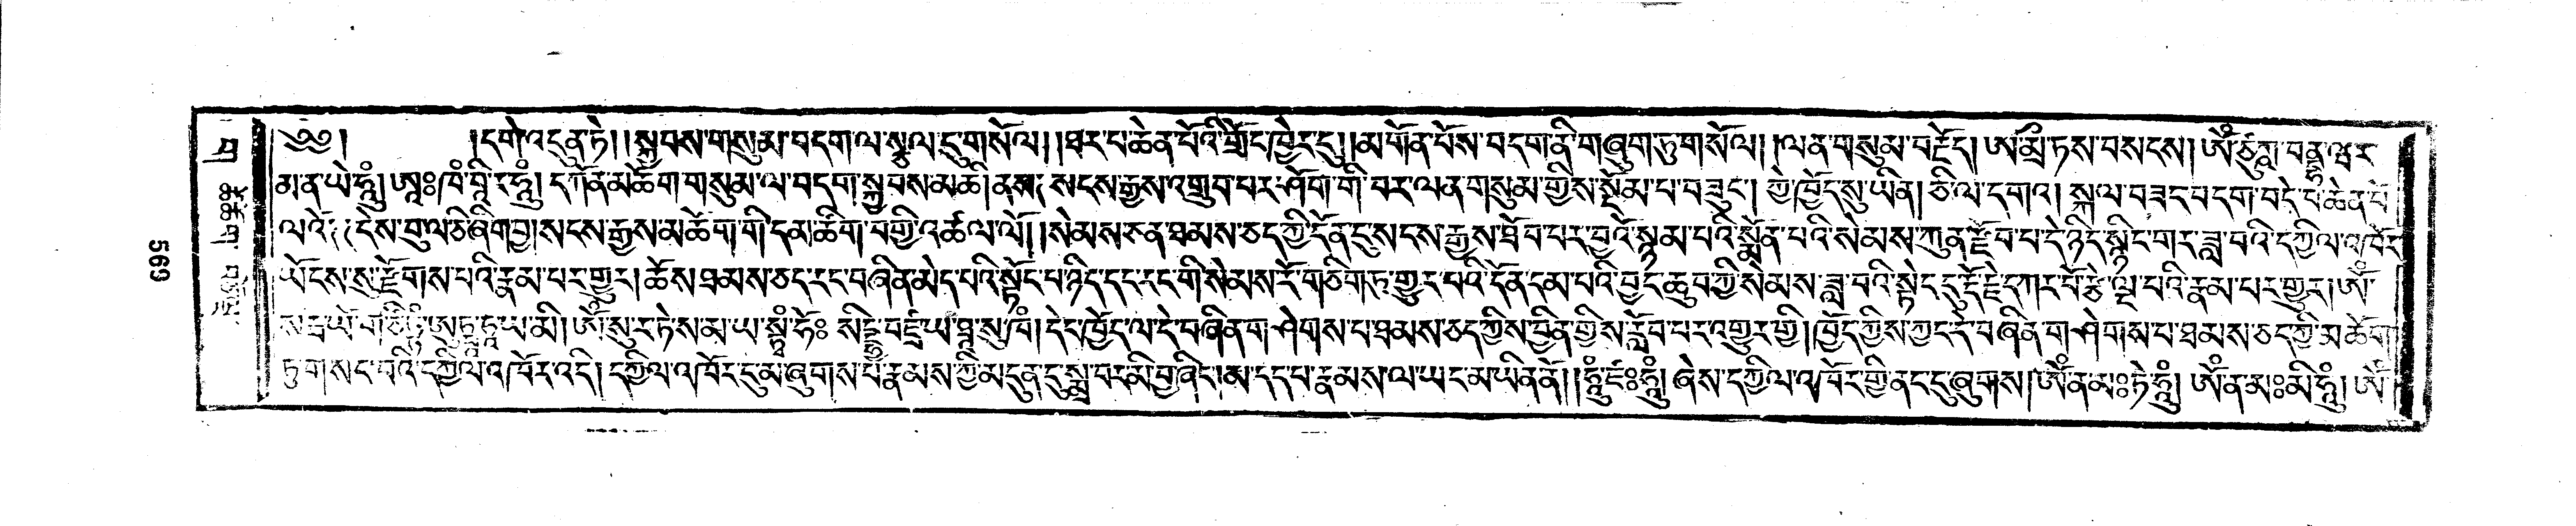༄༅། །དགེ་འདུན་ཏེ། །སྐྱབས་གསུམ་བདག་ལ་སྩལ་དུ་གསོལ། །ཐར་པ་ཆེན་པོའི་གྲོང་ཁྱེར་དུ། །མགོན་པོས་བདག་ནི་གཞུག་ཏུ་གསོལ། །ལན་གསུམ་བརྗོད། ཨ་མྲྀ་ཏས་བསངས། ཨོཾ་ཙ་ཀྵུ་བནྡྷ་ཝ་ར་
མ་ན་ཡེ་ཧཱུཾ། ཨཱཿ ཁཾ་བཱི་ར་ཧཱུཾ། དཀོན་མཆོག་གསུམ་ལ་བདག་སྐྱབས་མཆི། ནས། སངས་རྒྱས་འགྲུབ་པར་ཤོག་གི་བར་ལན་གསུམ་གྱིས་སྡོམ་པ་བཟུང་། ཀྱེ་ཁྱོད་སུ་ཡིན། ཅི་ལ་དགའ། སྐལ་བཟང་བདག་བདེ་བ་ཆེན་པོ་
ལའོ། །དེས་བུ་ལ་ཅི་ཞིག་བྱ། སངས་རྒྱས་མཆོག་གི་དམ་ཚིག་བགྱི་འཚལ་ལོ། །སེམས་ཅན་ཐམས་ཅད་ཀྱི་དོན་དུ་སངས་རྒྱས་ཐོབ་པར་བྱའོ་སྙམ་པའི་སྨོན་པའི་སེམས་ཀུན་རྫོབ་པ་དེ་ཉིད་སྙིང་གར་ཟླ་བའི་དཀྱིལ་འཁོར་
ཡོངས་སུ་རྫོགས་པའི་རྣམ་པར་གྱུར། ཆོས་ཐམས་ཅད་རང་བཞིན་མེད་པའི་སྟོང་པ་ཉིད་དང་རང་གི་སེམས་རོ་གཅིག་ཏུ་གྱུར་པའི་དོན་དམ་པའི་བྱང་ཆུབ་ཀྱི་སེམས་ཟླ་བའི་སྟེང་དུ་རྡོ་རྗེ་དཀར་པོ་རྩེ་ལྔ་པའི་རྣམ་པར་གྱུར། ཨོཾ་
སརྦ་ཡོ་ག་ཙིཏྟཾ་ཨུཏྤཱ་ཏཱ་ཡ་མི། ཨོཾ་སུ་ར་ཏེ་ས་མ་ཡ་སྟྭཾ་ཧོཿ སིདྡྷྱ་བཛྲ་ཡ་ཐཱ་སུ་ཁཾ། དེང་ཁྱོད་ལ་དེ་བཞིན་གཤེགས་པ་ཐམས་ཅད་ཀྱིས་བྱིན་གྱིས་རློབ་པར་འགྱུར་གྱི། ཁྱོད་ཀྱིས་ཀྱང་དེ་བཞིན་གཤེགས་པ་ཐམས་ཅད་ཀྱི་མཆོག་
ཏུ་གསང་བའི་དཀྱིལ་འཁོར་འདི། དཀྱིལ་འཁོར་དུ་མ་ཞུགས་པ་རྣམས་ཀྱི་མདུན་དུ་སྨྲ་བར་མི་བྱ་ཞིང་། མ་དད་པ་རྣམས་ལ་ཡང་མ་ཡིན་ནོ། །ཧཱུཾ་ཛཿ ཧཱུཾ། ཞེས་དཀྱིལ་འཁོར་གྱི་ནང་དུ་ཞུགས། ཨོཾ་ན་མཿ ཏེ་ཧཱུཾ། ཨོཾ་ན་མཿ མི་ཧཱུཾ། ཨོཾ་